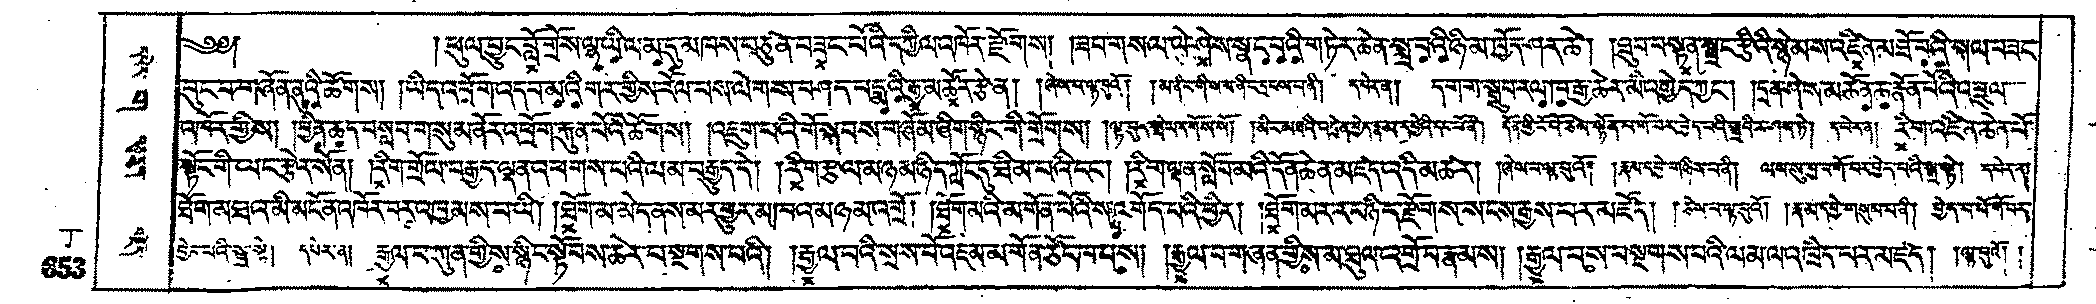༄༅། །ཕུལ་བྱུང་བློ་གྲོས་ལྷ་ཡི་ལམ་དུ་མཁས་བཙུན་བཟང་པོའི་དཀྱིལ་འཁོར་རྫོགས། །ཟབ་གསལ་ཡེ་ཤེས་སྣང་བའི་གཏེར་ཆེན་སྨྲ་བའི་ཉི་མ་ཁྱོད་ཤར་ཚེ། །ཐུབ་བསྟན་སྦྲང་རྩིའི་སྙེམས་འཛིན་མཐོ་བའི་སྐལ་བཟང་
བུང་བ་གཞོན་ནུའི་ཚོགས། །ཡིད་འཕྲོག་འདབ་མའི་གར་གྱིས་རོལ་པས་ལེགས་བཤད་པདམའི་རྒྱ་མཚོར་རྩེན། །ཞེས་པ་ལྟ་བུའོ། །མ་ནིང་གིས་མ་ནིང་དྲངས་པ་ནི། དཔེར་ན།  དགག་སྒྲུབ་རལ་ཁ་རྒྱ་ཆེར་མི་འགྱེད་ཀྱང་། །དྲན་ཤེས་མཚོན་ཆ་རྣོན་པོའི་འཕྲུལ་་་
འཁོར་གྱིས། །ཕྱིན་ཆད་བསླབ་གསུམ་ནོར་འཕྲོག་རྐུན་པོའི་ཚོགས། །འཇུག་པའི་གོ་སྐབས་གཞོམ་ཞིག་སྙིང་གི་གྲོགས། ལྟ་བུད་སྤེལ་དགོས་སོ། །མིང་མཐའི་འདྲེན་བྱེད་རྣམ་དབྱེའི་དང་པོ་ནི། དོན་གྱི་ངོ་བོ་ཙམ་སྟོན་པ་གོ་བར་བྱེད་བའི་བྱེད་པའི་སྒྲའི་ཆ་ཤས་ཏེ། དཔེར་ན།  རིག་འཛིན་ཆེན་པོ་
སྟོང་གི་ཡང་རྩེར་སོན། །རིག་གྲོལ་བརྒྱད་ལྡན་འཕགས་པའི་ལམ་བརྒྱུད་དེ། །རིག་རྩལ་མཉམ་ཉིད་ཀློང་དུ་ཐིམ་པའི་ངང་། །རིག་ལྡན་སློབ་མའི་དོན་ཆེན་མཛད་འདི་མཚར། །ཞེས་པ་ལྟ་བུའོ། །རྣམ་དབྱེ་གཉིས་པ་ནི། ལས་སུ་བྱ་བ་གོ་བར་བྱེད་པའི་སྒྲ་སྟེ། དཔེར་ན།
ཐོག་མཐའ་མི་མངོན་འཁོར་བར་འཁྱམས་པ་ཡི། །ཐོག་མ་མེད་ནས་མར་གྱུར་མཁའ་མཉམ་འགྲོ། །ཐོག་མའི་མགོན་པོའི་སས་འགོད་པའི་ཕྱིར། །ཐོག་མར་རང་ཉིད་རྫོགས་སངས་རྒྱས་པར་མཛོད། །ཅེས་པ་ལྟ་བུའོ། །རྣམ་དབྱེ་གསུམ་པ་ནི། བྱེད་པ་པོ་གོ་བར་
བྱེད་པའི་སྒྲ་སྟེ། དཔེར་ན། རྒྱལ་བ་ཀུན་གྱིས་སྙིང་སྟོབས་ཆེར་བསྔགས་པའི། །རྒྱལ་བའི་སྲས་པོ་འཇམ་མགོན་ཙོང་ཁ་པས། །རྒྱལ་བ་གཞན་གྱིས་མ་ཐུལ་འགྲོ་བ་རྣམས། །རྒྱལ་བས་བསྔགས་པའི་ལམ་ལ་འཁྲིད་པར་མཛད། །ལྟ་བུའོ། །